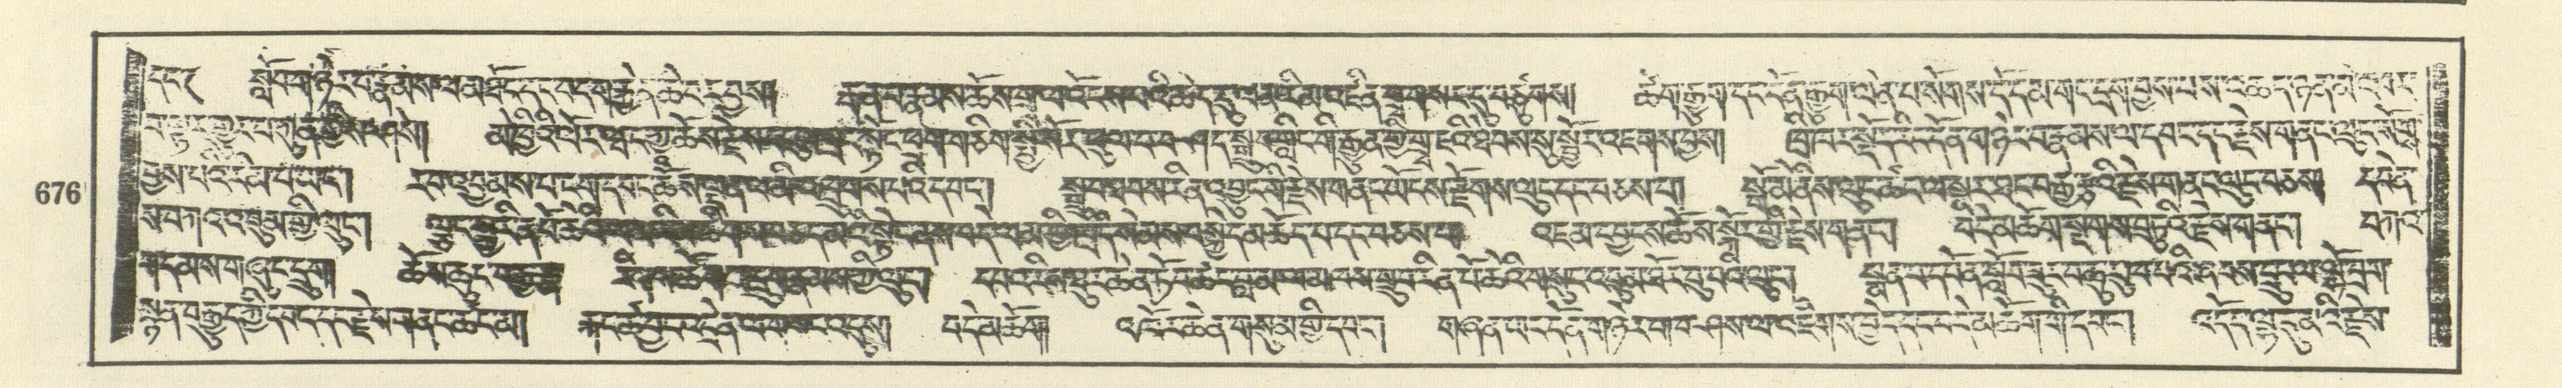དང༑ སློབ་གཉེར་བ་རྣམས་ལ་མཐོང་དང་བདག་རྐྱེན་ཆེ་བར་བྱས། རྒན་པ་རྣམས་ཆོས་གྲྭ་ལ་འོངས་པའི་ཆེད་དུ་ལམ་རིམ་འཛིན་གྲྭ་གསར་དུ་བཙུགས། ཚིག་རྒྱུག་དང་དོན་རྒྱུག་ལེན་པ་སོགས་དོ་དམ་གང་དྲག་བྱས་པས་འཆད་ཉན་མེ་འབར་
བ་ལྟར་གྱུར་པ་ཀུན་གྱིས་ཤེས། མེ་ཁྱིའི་ལོར་ཝང་ཀྱཱ་ཆོས་རྗེས་དངུལ་སྲང་སྟོང་ཕྲག་གཅིག་སྤྱི་སོར་ཕུལ་བ་བཤད་སྒྲུབ་གླིང་གི་རྒྱུན་གྱི་གྲྭ་ཇའི་ཐེབས་སུ་སྦྱོར་འཇགས་བྱས། ཁྲི་ཁར་སྡོད་རིང་དོན་གཉེར་བ་རྣམས་ལ་དབང་དང་རྗེས་གནང་ལུང་སོགས་
བྱས་པའི་རིམ་པ་ཡང་། རབ་འབྱམས་པ་ངག་དབང་ཆོས་ལྡན་ལ་མི་འཁྲུགས་པའི་དབང་། སྒྲུབ་ཐབས་རིན་འབྱུང་གི་རྗེས་གནང་ཡོངས་རྫོགས་ལུང་དང་བཅས་པ། སྒོ་མེ་ནིས་ལུང་ཚང་ལ་སྣར་ཐང་བརྒྱ་རྩའི་རྗེས་གནང་ལུང་བཅས། དབེན་
ས་བཀའ་འབུམ་གྱི་ལུང་། ལྕང་སྐྱ་རིན་པོ་ཆེའི་ལམ་རིམ་ཚིགས་བཅད་མའི་སྟེང་ནས་བདེ་ལམ་གྱི་ཁྲིད་སེམས་བསྐྱེད་མཆོད་པ་དང་བཅས་པ། འཇམ་དབྱངས་ཆོས་སྐོར་གྱི་རྗེས་གནང་། བདེ་མཆོག་སྔགས་བཏུའི་རྗེས་གནང་། བཀའ་
གདམས་གཞུང་དྲུག། ཆོས་ཆུང་བརྒྱ་རྩ། རིགས་ཚོགས་དྲུག་རྣམས་ཀྱི་ལུང་། དཔའ་རིས་ཐུར་ཆེན་ཏོ་བ་ཚད་བླ་མ་ལ་མཁས་གྲུབ་རིན་པོ་ཆེའི་གསུང་འབུམ་ཐོར་བུ་བའི་ལུང་། སྨན་པ་དཔོན་སློབ་ཟུར་བ་ཆུ་རུ་ཁ་པའི་ཞབས་དྲུང་ལ་ལྷོ་བྲག་
སྙན་བརྒྱུད་ཀྱི་དབང་དང་རྗེས་གནང་ཚང་མ། རྐང་ཚ་བྱང་འདྲེན་ལ་གསང་འདུས། བདེ་མཆོག། འཁོར་ཆེན་གསུམ་གྱི་དབང་། གཞན་ཡང་དོན་གཉེར་བ་ཁ་ཤས་ལ་འཇིགས་བྱེད་དང་བདེ་མཆོག་གི་དབང་། འདོད་ལྷ་དུ་མའི་རྗེས་